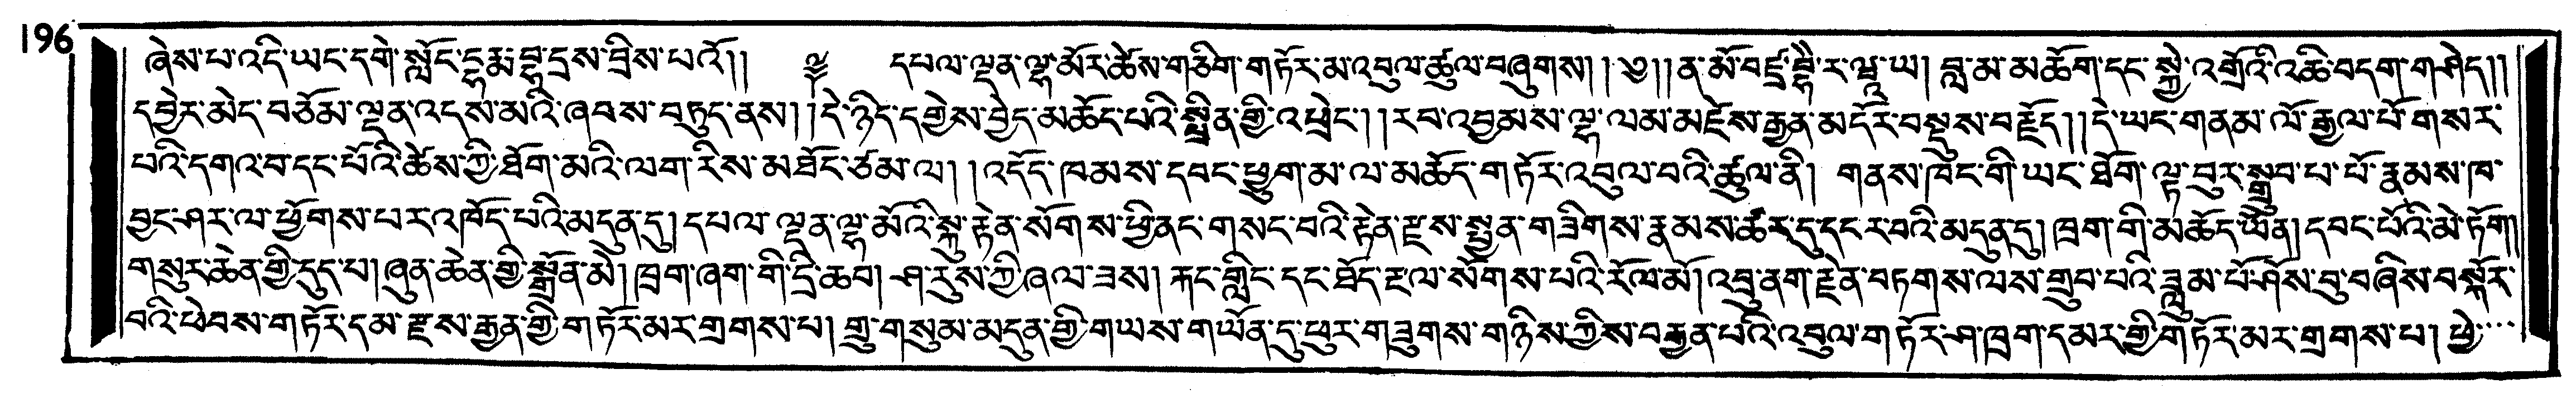༈ དཔལ་ལྡན་ལྷ་མོར་ཚེས་གཅིག་གཏོར་མ་འབུལ་ཚུལ་བཞུགས།། ༄༅། །ན་མོ་བཛྲ་བྷཻ་ར་ཝཱ་ཡ། བླ་མ་མཆོག་དང་སྐྱེ་འགྲོའི་འཆི་བདག་གཤེད། །
དབྱེར་མེད་བཅོམ་ལྡན་འདས་མའི་ཞབས་བཏུད་ནས། །དེ་ཉིད་དགྱེས་བྱེད་མཆོད་པའི་སྤྲིན་གྱི་འཕྲེང་། །རབ་འབྱམས་ལྷ་ལམ་མཛེས་རྒྱན་མདོར་བསྡུས་བརྗོད། །དེ་ཡང་གནམ་ལོ་རྒྱལ་པོ་གསར་
པའི་དགའ་བ་དང་པོའི་ཚེས་ཀྱི་ཐོག་མའི་ལག་རིས་མཐོང་ཙམ་ལ། །འདོད་ཁམས་དབང་ཕྱུག་མ་ལ་མཆོད་གཏོར་འབུལ་བའི་ཚུལ་ནི། གནས་ཁང་གི་ཡང་ཐོག་ལྟ་བུར་སྒྲུབ་པ་པོ་རྣམས་ཁ་
བྱང་ཤར་ལ་ཕྱོགས་པར་འཁོད་པའི་མདུན་དུ། དཔལ་ལྡན་ལྷ་མོའི་སྐུ་རྟེན་སོགས་ཕྱི་ནང་གསང་བའི་རྟེན་རྫས་སྤྱན་གཟིགས་རྣམས་ཚར་དུ་དང་ར་བའི་མདུན་དུ། ཁྲག་གི་མཆོད་ཡིན། དབང་པོའི་མེ་ཏོག།
གསུར་ཆེན་གྱི་དུད་པ། ཞུན་ཆེན་གྱི་སྒྲོན་མེ། ཁྲག་ཞག་གི་དྲི་ཆབ། ཤ་རུས་ཀྱི་ཞལ་ཟས། རྐང་གླིང་དང་ཐོད་རྔ་ལ་སོགས་པའི་རོལ་མོ། འབྲུ་ནག་རྗེན་བཏགས་ལས་གྲུབ་པའི་ཟླུམ་པོ་ཤོས་བུ་བཞིས་བསྐོར་
བའི་ཕེབས་གཏོར་དམ་རྫས་རྒྱན་གྱི་གཏོར་མར་གྲགས་པ། གྲུ་གསུམ་མདུན་གྱི་གཡས་གཡོན་དུ་ཕུར་གཟུགས་གཉིས་ཀྱིས་བརྒྱན་པའི་འབུལ་གཏོར་ཤ་ཁྲག་དམར་གྱི་གཏོར་མར་གྲགས་པ། ཕྱེ་